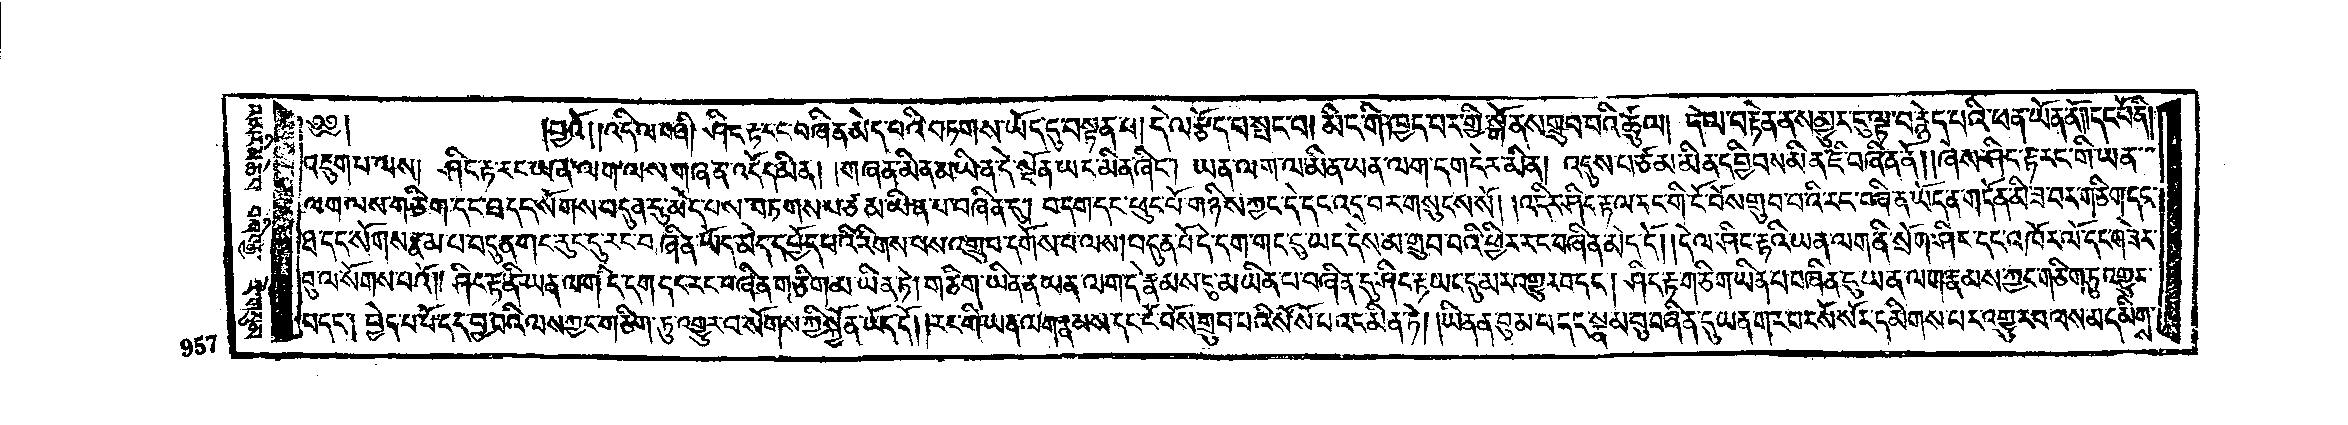༄༅། །བྱའོ༑ ༑འདི་ལ་བཞི། ཤིང་རྟ་རང་བཞིན་མེད་པའི་བཏགས་ཡོད་དུ་བསྟན་པ། དེ་ལ་རྩོད་པ་སྤང་བ། མིང་གི་ཁྱད་པར་གྱི་སྒོ་ནས་གྲུབ་པའི་ཚུལ། དེ་ལ་བརྟེན་ནས་མྱུར་དུ་ལྟ་བ་རྙེད་པའི་ཕན་ཡོན་ནོ། །དང་པོ་ནི།
འཇུག་པ་ལས། ཤིང་རྟ་རང་ཡང་ལག་ལས་གཞན་འདོད་མིན། །གཞན་མིན་མ་ཡིན་དེ་ལྡན་ཡང་མིན་ཞིང་། །ཡན་ལག་ལ་མིན་ཡན་ལག་དག་དེར་མིན། །འདུས་པ་ཙམ་མིན་དབྱིབས་མིན་ཇི་བཞིན་ནོ། །ཞེས་ཤིང་རྟ་རང་གི་ཡན་
ལག་ལས་གཅིག་དང་ཐ་དད་སོགས་བདུན་དུ་མེད་པས་བཏགས་པ་ཙམ་ཡིན་པ་བཞིན་དུ། བདག་དང་ཕུང་པོ་གཉིས་ཀྱང་དེ་དང་འདྲ་བར་གསུངས་སོ། །འདིར་ཤིང་རྟ་ལ་རང་གི་ངོ་བོས་གྲུབ་པའི་རང་བཞིན་ཡོད་ན་གདོན་མི་ཟ་བར་གཅིག་དང་
ཐ་དད་སོགས་རྣམ་པ་བདུན་གང་རུང་དུ་རང་བཞིན་ཡོད་མེད་དཔྱོད་པའི་རིགས་པས་འགྲུབ་དགོས་པ་ལས། བདུན་པོ་དེ་དག་གང་དུ་ཡང་དེས་མ་གྲུབ་པའི་ཕྱིར་རང་བཞིན་མེད་དོ། །དེ་ལ་ཤིང་རྟའི་ཡན་ལག་ནི་སྲོག་ཤིང་དང་འཁོར་ལོ་དང་གཟེར་
བུ་ལ་སོགས་པའོ། །ཤིང་རྟ་ནི་ཡན་ལག་དེ་དག་དང་རང་བཞིན་གཅིག་མ་ཡིན་ཏེ། གཅིག་ཡིན་ན་ཡན་ལག་དེ་རྣམས་དུ་མ་ཡིན་པ་བཞིན་དུ་ཤིང་རྟ་ཡང་དུ་མར་འགྱུར་བ་དང་། ཤིང་རྟ་གཅིག་ཡིན་པ་བཞིན་དུ་ཡན་ལག་རྣམས་ཀྱང་གཅིག་ཏུ་འགྱུར་
བ་དང་། བྱེད་པ་པོ་དང་བྱ་བའི་ལས་ཀྱང་གཅིག་ཏུ་འགྱུར་བ་སོགས་ཀྱི་སྐྱོན་ཡོད་དོ། །རང་གི་ཡན་ལག་རྣམས་དང་ངོ་བོས་གྲུབ་པའི་སོ་སོ་བའང་མིན་ཏེ། ཡིན་ན་བུམ་པ་དང་སྣམ་བུ་བཞིན་དུ་ཡན་གར་བར་སོ་སོར་དམིགས་པར་འགྱུར་བ་ལས་མ་དམིགས་